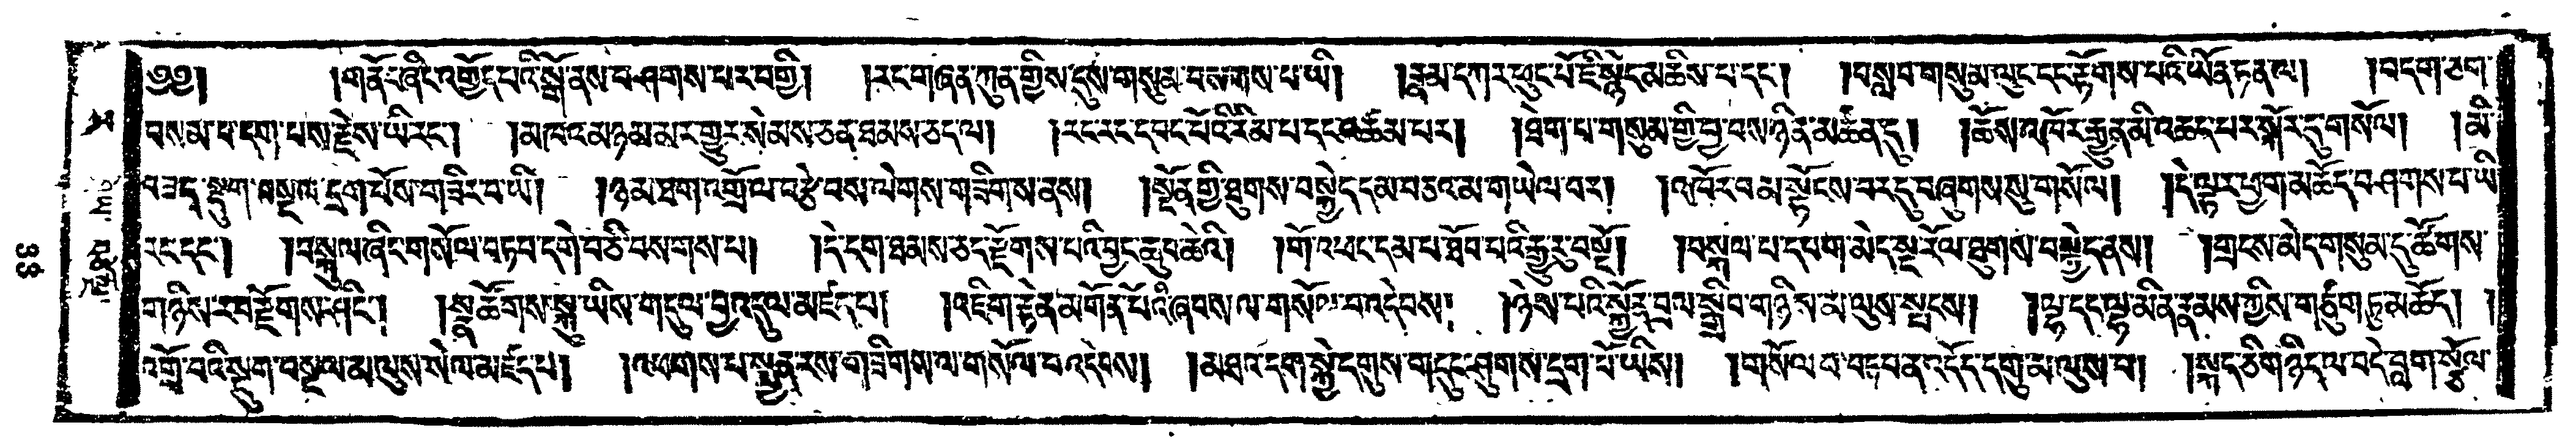༄༅། །གནོང་ཞིང་འགྱོད་པའི་སྒོ་ནས་བཤགས་པར་བགྱི། །རང་གཞན་ཀུན་གྱིས་དུས་གསུམ་བསགས་པ་ཡི། །རྣམ་དཀར་ཕུང་པོ་ཇི་སྙེད་མཆིས་པ་དང་། །བསླབ་གསུམ་ལུང་དང་རྟོགས་པའི་ཡོན་ཏན་ལ། །བདག་ཅག་
བསམ་པ་དག་པས་རྗེས་ཡི་རང་། །མཁའ་མཉམ་མར་གྱུར་སེམས་ཅན་ཐམས་ཅད་ལ། །རང་རང་དབང་པོའི་རིམ་པ་དང་འཚམ་པར། །ཐེག་པ་གསུམ་གྱི་བྱ་བས་ཉིན་མཚན་དུ། །ཆོས་འཁོར་རྒྱུན་མི་འཆད་པར་སྐོར་དུ་གསོལ། །མི་
བཟད་སྡུག་བསྔལ་དྲག་པོས་གཟིར་བ་ཡི། །ཉམ་ཐག་འགྲོ་ལ་བརྩེ་བས་ལེགས་གཟིགས་ནས། །སྔོན་གྱི་ཐུགས་བསྐྱེད་དམ་བཅའ་མ་གཡེལ་བར། །འཁོར་བ་མ་སྟོངས་བར་དུ་བཞུགས་སུ་གསོལ། །དེ་ལྟར་ཕྱག་མཆོད་བཤགས་པ་ཡི་
རང་དང་། །བསྐུལ་ཞིང་གསོལ་བཏབ་དགེ་བ་ཅི་བསགས་པ། །དེ་དག་ཐམས་ཅད་རྫོགས་པའི་བྱང་ཆུབ་ཆེའི། །གོ་འཕང་དམ་པ་ཐོབ་པའི་རྒྱུ་རུ་བསྔོ། །བསྐལ་པ་དཔག་མེད་སྔ་རོལ་ཐུགས་བསྐྱེད་ནས། །གྲངས་མེད་གསུམ་དུ་ཚོགས་
གཉིས་རབ་རྫོགས་ཤིང་། །སྣ་ཚོགས་སྐུ་ཡིས་གདུལ་བྱ་འདུལ་མཛད་པ། །འཇིག་རྟེན་མགོན་པོའི་ཞབས་ལ་གསོལ་བ་འདེབས། །ཉེས་པའི་སྐྱོན་བྲལ་སྒྲིག་གཉིས་མ་ལུས་སྤངས། །ལྷ་དང་ལྷ་མིན་རྣམས་ཀྱིས་གཙུག་ཏུ་མཆོད། །
འགྲོ་བའི་སྡུག་བསྔལ་མ་ལུས་སེལ་མཛད་པ། །འཕགས་པ་སྤྱན་རས་གཟིགས་ལ་གསོལ་བ་འདེབས། །མཐའ་དག་སྐྱེ་དགུས་གདུང་ཤུགས་དྲག་པོ་ཡིས། །གསོལ་བ་བཏབ་ན་འདོད་དགུ་མ་ལུས་བ། །སྐད་ཅིག་ཉིད་ལ་བདེ་བླག་སྩོལ་